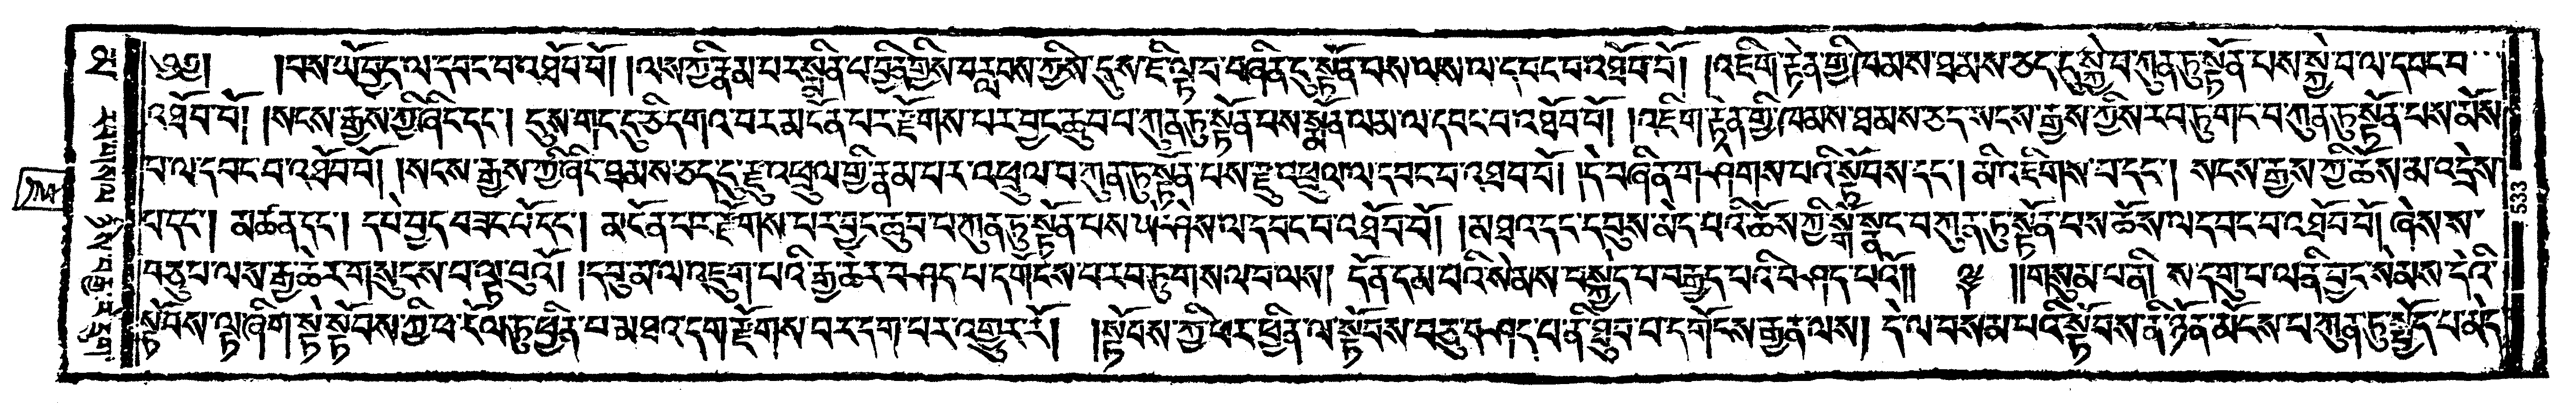༄༅། །པས་ཡོ་བྱད་ལ་དབང་བ་འཐོབ་བོ། །ལས་ཀྱི་རྣམ་པར་སྨིན་པ་བྱིན་གྱིས་བརླབས་ཀྱིས་དུས་ཇི་ལྟ་བ་བཞིན་དུ་སྟོན་པས་ལས་ལ་དབང་བ་འཐོབ་བོ། །འཇིག་རྟེན་གྱི་ཁམས་ཐམས་ཅད་དུ་སྐྱེ་བ་ཀུན་ཏུ་སྟོན་པས་སྐྱེ་བ་ལ་དབང་བ་
འཐོབ་བོ། །སངས་རྒྱས་ཀྱི་ཞིང་དང་། དུས་གང་དུ་ཅི་དགའ་བར་མངོན་པར་རྫོགས་པར་བྱང་ཆུབ་པ་ཀུན་ཏུ་སྟོན་པས་སྨོན་ལམ་ལ་དབང་བ་འཐོབ་བོ། །འཇིག་རྟེན་གྱི་ཁམས་ཐམས་ཅད་སངས་རྒྱས་ཀྱིས་རབ་ཏུ་གང་བ་ཀུན་ཏུ་སྟོན་པས་མོས་
པ་ལ་དབང་བ་འཐོབ་བོ། །སངས་རྒྱས་ཀྱི་ཞིང་ཐམས་ཅད་དུ་རྫུ་འཕྲུལ་གྱི་རྣམ་པར་འཕྲུལ་བ་ཀུན་ཏུ་སྟོན་པས་རྫུ་འཕྲུལ་ལ་དབང་བ་འཐོབ་བོ། །དེ་བཞིན་གཤེགས་པའི་སྟོབས་དང་། མི་འཇིགས་པ་དང་། སངས་རྒྱས་ཀྱི་ཆོས་མ་འདྲེས་
པ་དང་། མཚན་དང་། དཔེ་བྱད་བཟང་པོ་དང་། མངོན་པར་རྫོགས་པར་བྱང་ཆུབ་པ་ཀུན་ཏུ་སྟོན་པས་ཡེ་ཤེས་ལ་དབང་བ་འཐོབ་བོ། །མཐའ་དང་དབུས་མེད་པའི་ཆོས་ཀྱི་སྒོ་སྣང་བ་ཀུན་ཏུ་སྟོན་པས་ཆོས་ལ་དབང་བ་འཐོབ་བོ། ཞེས་ས་
བཅུ་པ་ལས་རྒྱ་ཆེར་གསུངས་པ་ལྟ་བུའོ། །དབུ་མ་ལ་འཇུག་པའི་རྒྱ་ཆེར་བཤད་པ་དགོངས་པ་རབ་ཏུ་གསལ་བ་ལས། དོན་དམ་པའི་སེམས་བསྐྱེད་པ་བརྒྱད་པའི་བཤད་པའོ།། ༈ །།གསུམ་པ་ནི། ས་དགུ་པ་ལ་ནི་བྱང་སེམས་དེའི་
སྟོབས་ལྟ་ཞིག་སྟེ་སྟོབས་ཀྱི་ཕ་རོལ་ཕྱིན་པ་མཐའ་དག་རྫོགས་པར་དག་པར་འགྱུར་རོ། །སྟོབས་ཀྱི་ཕར་ཕྱིན་ལ་སྟོབས་བཅུ་བཤད་པ་ནི་ཐུབ་པ་དགོངས་རྒྱན་ལས། དེ་ལ་བསམ་པའི་སྟོབས་ནི་ཉོན་མོངས་པ་ཀུན་ཏུ་སྤྱོད་པ་མེད་